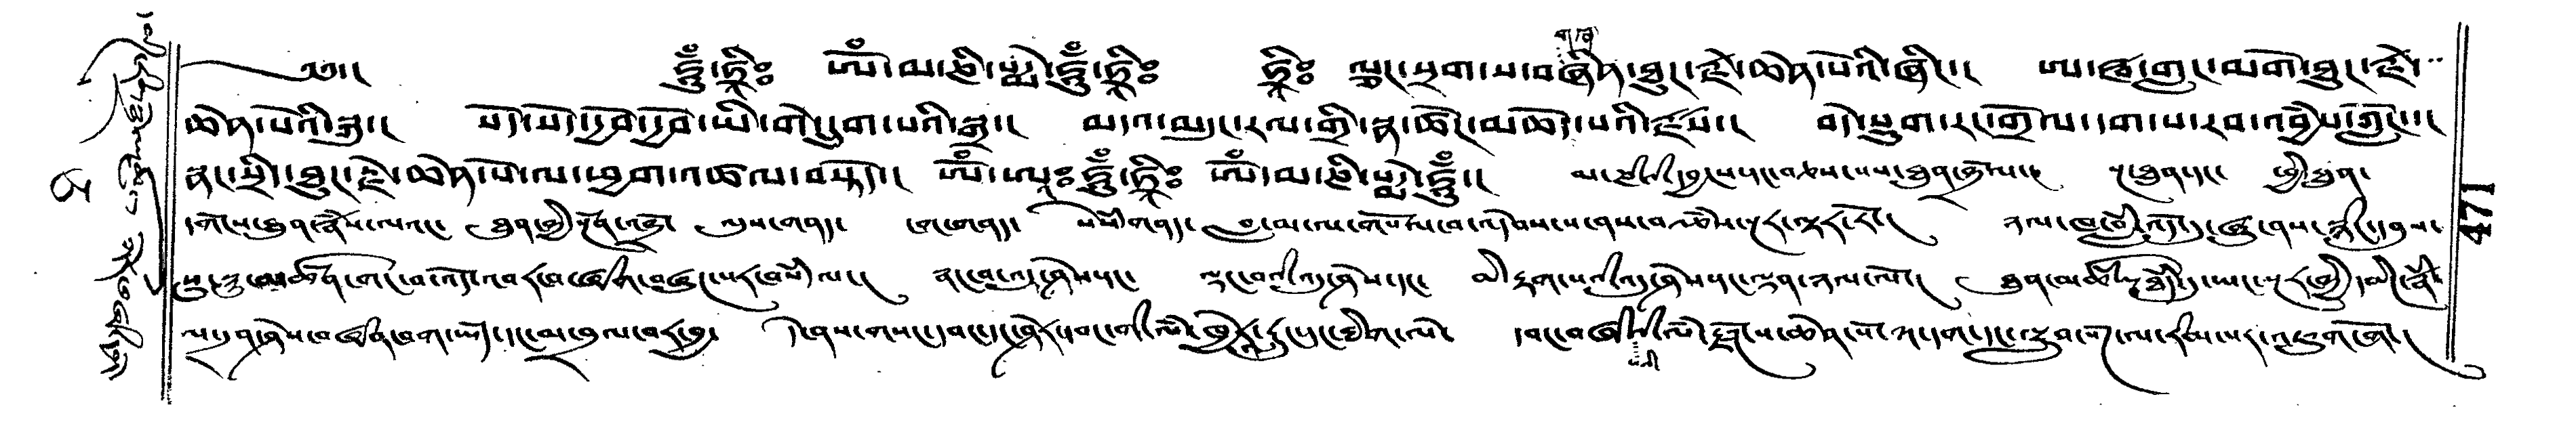ཧཱུྃ་ཧྲཱིཿ ཨོཾ་མ་ཎི་པདྨེ་ཧཱུྃ་ཧྲཱིཿ ཧྲཱིཿ ལྕགས་སྲེག་ས་གཞི་ཐུགས་རྗེ་ཆེན་པོའི་ཞིང་། །ཨ་ཝ་གླང་མགོ་ཐུགས་རྗེ་
ཆེན་པོའི་སྐུ། །སོད་སོད་རྒྱོབ་རྒྱོབ་ཡི་གེ་དྲུག་པའི་སྒྲ། །མདའ་མདུང་རལ་གྲི་སྣ་ཚོགས་མཆོད་པའི་རྫས། །བདེ་སྡུག་རང་གྲོལ་དག་པ་རབ་འབྱམས་ཀློང་། །
སྣང་སྲིད་ཐུགས་རྗེ་ཆེན་པོར་ཕྱག་འཚལ་བསྟོད། ཨོཾ་ཨཱཿཧཱུྃ་ཧྲཱིཿ ཨོཾ་མ་ཎི་པདྨེ་ཧཱུྃ། མ་ཎིའི་དབྱངས་དང་བཅས་པས་ཐུན་གྲོལ། སྔ་ཐུན་དང་། ཕྱི་ཐུན། 
དགོང་ཐུན་རྣམས་ལའང་། ཐུན་གྱི་སྔོན་འགྲོ། ལུས་གནད། ངག་གནད། སེམས་གནད། བླ་མ་ལ་གསོལ་བ་འདེབས་པ་ནས་བརྩམས་སྔར་ལྟར་རོ། ཉལ་ཁར་བླ་མ་འོད་དུ་ཞུ་ནས་སྙིང་དབུས་
བསྡུ། སྐུ་མཚོན་གང་བ་འོད་འབར་བ་ཞིག་བཞུགས་པར་བསམ་ལ། སྣང་བའི་འདུ་ཤེས་དང་། ལྡང་བའི་འདུ་ཤེས་དང་། མི་རྟག་པའི་འདུ་ཤེས་དང་ལྡན་པས་ཉལ་ལོ། ཐུན་མཚམས་ཐམས་ཅད་དུ་ཡང་སྔར་གྱི་དམིགས་རྣམ་
ལ་དྲན་ཤེས་བཞིན་བག་ཡོད་དང་མ་བྲལ་བར་བྱ། དེ་ནས་གསང་དབང་དང་ཤེར་དབང་གི་ལམ་ཁྱེར་རླུང་དང་ཐིག་ལེ། དབང་བཞི་པའི་ལམ་རྫོགས་པ་ཆེན་པོ་ཀ་དག་དང་ལྷུན་གྲུབ་སོགས་ལ་རིམ་པར་འཇུག་གོ